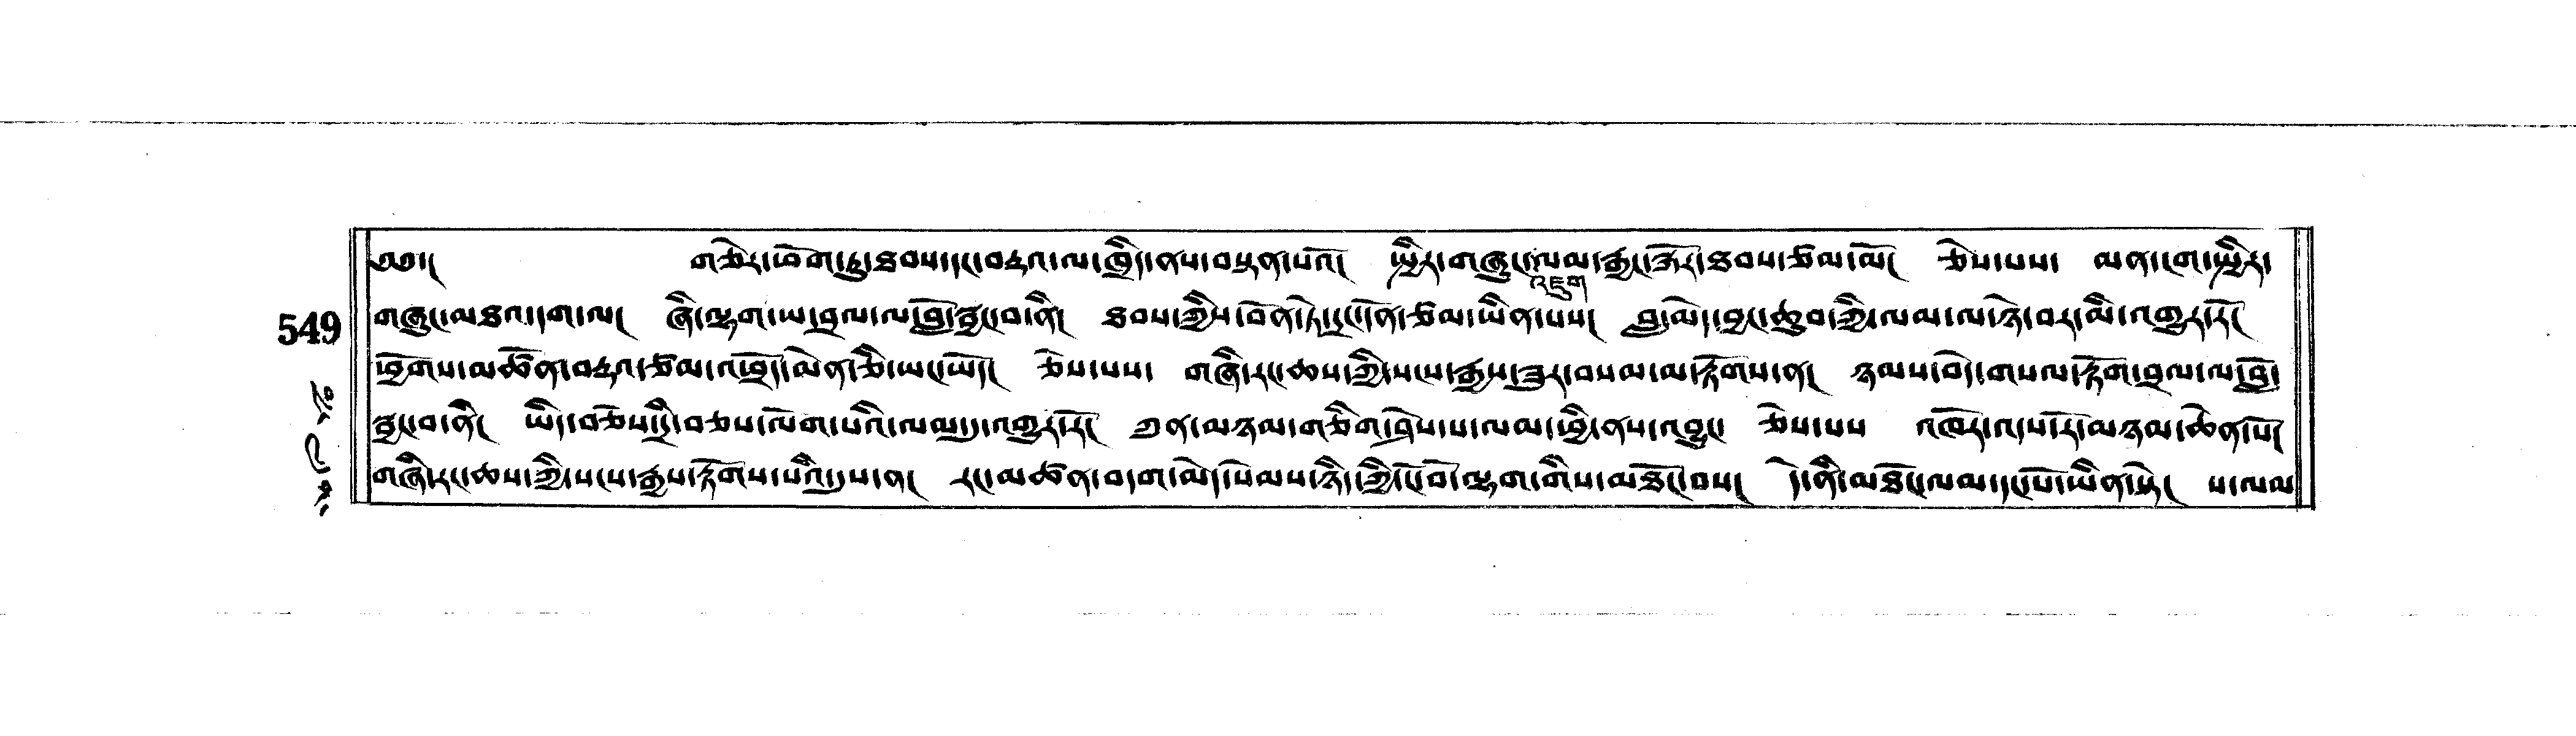གཅེར་ཕོག་ཏུ་ཐབས་དང་བརྡ་ལ་ཁྲིད་ནས་བསྟན་པའོ། སྤྱིར་གཞུང་འཇུག་ལམ་རྒྱང་སྐོར་ཐབས་ཙམ་མོ། ཅེས་པས། མན་ངག་སྤྱིར་
གཞུང་མཐའ་དག་ལ། ཞི་ལྷག་ཡ་བྲལ་ལ་བློ་སྦྱང་བ་ནི། ཐབས་ཀྱིས་བོན་དེ་དྲང་དོན་ཙམ་ཡིན་པས། བླ་མེད་བྱང་ཆུབ་ཀྱི་ལམ་ལ་ཉེ་བར་མི་འགྱུར་རོ། 
ཕྱོགས་མཚོན་བརྡ་ཙམ་འཕྲོད་མེན་ཅི་ཡང་ཡོད། ཅེས་པས། གཞི་རང་ཆས་ཀྱི་སངས་རྒྱས་ཟུར་བསམ་༼ཙམ༽མ་རྟོགས་ན། ཉམས་བདེ་གསལ་རྟོག་བྲལ་ལ་བློ་
སྦྱང་བ་ནི། ཡིད་བཅོས་དྲི་བཅས་ལོག་པའི་ལམ་དུ་འགྱུར་རོ། ཀུན་མཉམ་གཅིག་ཤེས་ས་ལམ་ཕྱི་ནས་འབྱུང་། ཅེས་པས། འཁོར་འདས་རོ་མཉམ་ཆེན་པོ་
གཞི་རང་ཆས་ཀྱི་སངས་རྒྱས་རྟོགས་པའི་དུས་ན། རང་མཚན་བདག་མེད་སེམས་ཉིད་ཀྱི་ངོ་བོ་ལྷག་གིས་མཐོང་བས། དེ་ནི་མཐོང་ལམ་དང་པོ་ཡིན་ཏེ། ས་ལམ་